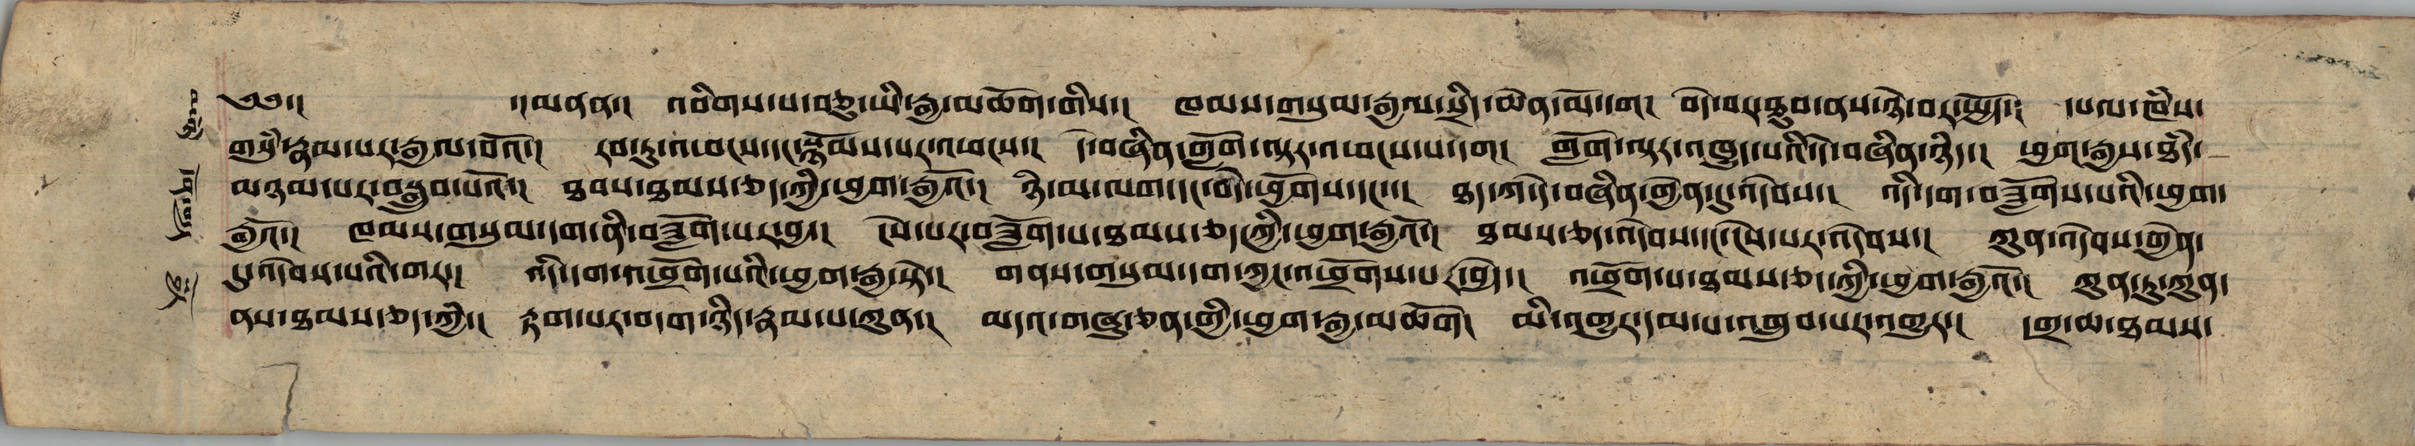༄༅་། ་།མནན་། འབིགས་པ་བཅུ་ཡི་རྒྱ་མཆོག་གིས་། ཁམས་གསུམ་རྒྱལ་སྲིད་ཆེན་མོ་དག། བདེ་བར་ཐུབ་ནས་ཉེ་བར་སྤྱོད་། དཔལ་ཁཾས་
གསུཾ་རྣམ་པར་རྒྱལ་བའོ་། རབ་ཏུ་འཕངས་དང་སྙོམས་པར་འཕངས་། དེ་བཞིན་གློག་ལྟར་འཕངས་པ་དག། གློག་ལྟར་འཁྱུད་པའི་དེ་བཞིན་ཉིད་། ཕྱག་རྒྱས་ཐདཾ་
མཉམ་པར་བསྒྲུབ་པའོ་། ཐབས་ཐམས་ཅད་ཀྱི་ཕྱག་རྒྱའོ་ ཉི་མ་ལག་དང་བདེ་ཕྱོགས་དང་་། ཐད་ཀ་དེ་བཞིན་གྱེན་དུ་འདེབས་། འདི་དག་བཟློགས་པའི་ཕྱག་
རྒྱའོ་། ཁམས་གསུམ་དག་ནི་བཟློག་པར་བྱ་། ངེས་པར་བཟློག་པ་ཐམས་ཅད་ཀྱི་ཕྱག་རྒྱའོ་། ཐམས་ཅད་འདེབས་དང་ངེས་པར་འདེབས་། ཀུན་འདེབས་གྱེན་
དུ་འདེབས་པའི་གར་། འདི་དག་འཕྲོག་པའི་ཕྱག་རྒྱ་སྟེ་། གནས་གསུམ་དག་ཀྱང་འཕྲོགས་པར་བྱེད་། འཕྲོག་པ་ཐམས་ཅད་ཀྱི་ཕྱག་རྒྱའོ་། ཀུན་ཏུ་ཀུན་
ནས་ཐམས་ཅད་ཀྱི་། རྟག་པར་བདག་ཉིད་རྣམ་པ་ཀུན་། མདའ་གཞུ་ཅན་གྱི་ཕྱག་རྒྱ་མཆོག། མི་འགྱུར་དམ་པ་འགྲུབ་པར་འགྱུར་། དགྲ་མ་ཐམས་